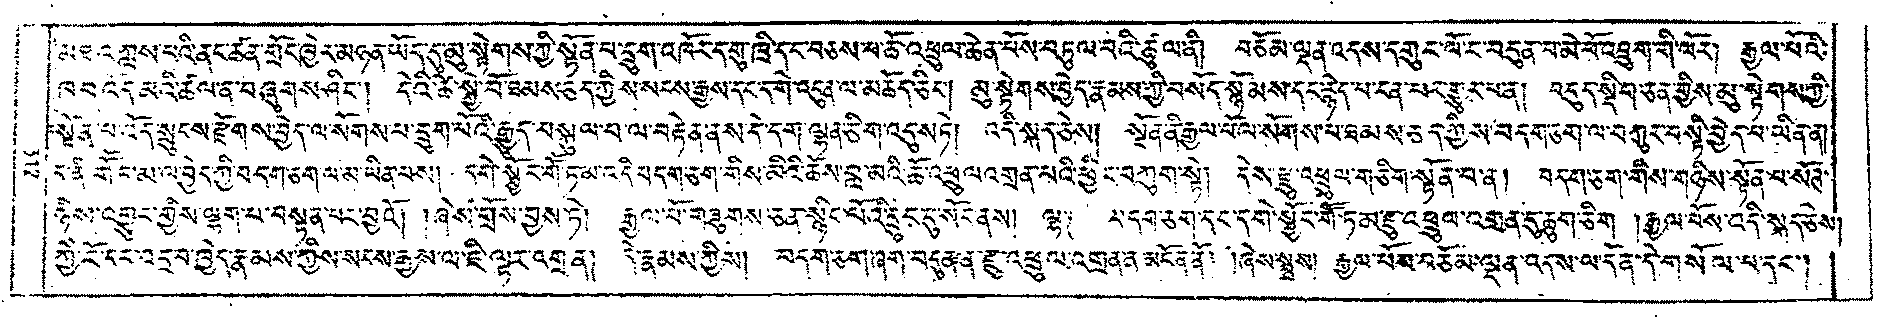མཐའ་ཀླས་པའི་ནང་ཚན་གྲོང་ཁྱེར་མཉན་ཡོད་དུ་མུ་སྟེགས་ཀྱི་སྟོན་པ་དྲུག་འཁོར་དགུ་ཁྲི་དང་བཅས་པ་ཆོ་འཕྲུལ་ཆེན་པོས་བཏུལ་བའི་ཚུལ་ནི། བཅོམ་ལྡན་འདས་དགུང་ལོ་ང་བདུན་པ་མེ་ཕོ་འབྲུག་གི་ལོར། རྒྱལ་པོའི་
ཁབ་འོད་མའི་ཚལ་ན་བཞུགས་ཤིང་། དེའི་ཚེ་སྐྱེ་བོ་ཐམས་ཅད་ཀྱིས་སངས་རྒྱས་དང་དགེ་འདུན་ལ་མཆོད་ཅིང་། མུ་སྟེགས་བྱེད་རྣམས་ཀྱི་བསོད་སྙོམས་དང་རྙེད་པ་ངན་པར་གྱུར་པ་ན། བདུད་སྡིག་ཅན་གྱིས་མུ་སྟེགས་ཀྱི་
སྟོན་པ་འོད་སྲུངས་རྫོགས་བྱེད་ལ་སོགས་པ་དྲུག་པོའི་རྒྱུད་བསྐུལ་བ་ལ་བརྟེན་ནས་དེ་དག་ལྷན་ཅིག་འདུས་ཏེ། འདི་སྐད་ཅེས། སྔོན་ནི་རྒྱལ་པོ་ལ་སོགས་པ་ཐམས་ཅད་ཀྱིས་བདག་ཅག་ལ་བཀུར་བ་སྟི་བྱེད་པ་ཡིན་ན།
ད་ནི་གཽ་ཏ་མ་ལ་བྱེད་ཀྱི་བདག་ཅག་ལ་མ་ཡིན་པས། དགེ་སྦྱོང་གཽ་ཏམ་འདི་བདག་ཅག་གིས་མིའི་ཆོས་བླ་མའི་ཆོ་འཕྲུལ་འགྲན་པའི་ཕྱིར་བཀུག་སྟེ། དེས་རྫུ་འཕྲུལ་གཅིག་སྟོན་པ་ན། བདག་ཅག་གིས་གཉིས་སྟོན་པ་སོཊ་
ཉིས་འགྱུར་གྱིས་ལྷག་པ་བསྟན་པར་བྱའོ། །ཞེས་གྲོས་བྱས་ཏེ། རྒྱལ་པོ་གཟུགས་ཅན་སྙིང་པོའི་དྲུང་དུ་སོང་ནས། ལྷ། བདག་ཅག་དང་དགེ་སྦྱོང་གཽ་ཏ་མ་རྫུ་འཕྲུལ་འགྲན་དུ་ཆུག་ཅིག །རྒྱལ་པོས་འདི་སྐད་ཅེས་
ཀྱཻ་རོ་དང་འདྲ་བ་ཁྱེད་རྣམས་ཀྱིས་སངས་རྒྱས་ལ་ཇི་ལྟར་འགྲན། དེ་རྣམས་ཀྱིས། བདག་ཅག་ཞག་བདུན་ན་རྫུ་འཕྲུལ་འགྲན་ན་མངོན་ནོ། །ཞེས་སྨྲས། རྒྱལ་པོས་བཅོམ་ལྡན་འདས་ལ་དོན་དེ་གསོལ་པ་དང་། །